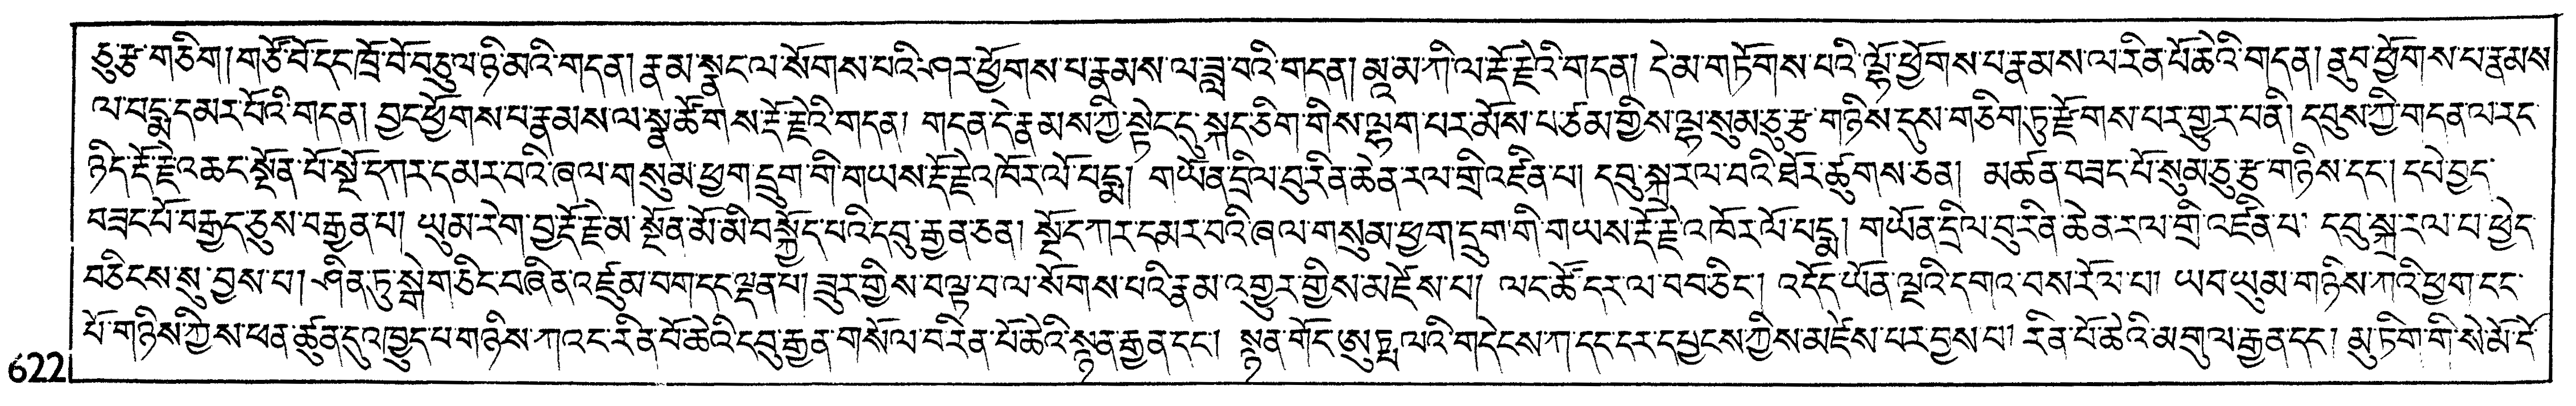ཅུ་རྩ་གཅིག །གཙོ་བོ་དང་ཁྲོ་བོ་བཅུ་ལ་ཉི་མའི་གདན། རྣམ་སྣང་ལ་སོགས་པའི་ཤར་ཕྱོགས་པ་རྣམས་ལ་ཟླ་བའི་གདན། མཱ་མ་ཀི་ལ་རྡོ་རྗེའི་གདན། དེ་མ་གཏོགས་པའི་ལྷོ་ཕྱོགས་པ་རྣམས་ལ་རིན་པོ་ཆེའི་གདན། ནུབ་ཕྱོགས་པ་རྣམས་
ལ་པདམ་དམར་པོའི་གདན། བྱང་ཕྱོགས་པ་རྣམས་ལ་སྣ་ཚོགས་རྡོ་རྗེའི་གདན། གདན་དེ་རྣམས་ཀྱི་སྟེང་དུ་སྐད་ཅིག་གིས་ལྷག་པར་མོས་པ་ཙམ་གྱིས་ལྷ་སུམ་ཅུ་རྩ་གཉིས་དུས་གཅིག་ཏུ་རྫོགས་པར་གྱུར་པ་ནི། དབུས་ཀྱི་གདན་ལ་རང་
ཉིད་རྡོ་རྗེ་འཆང་སྔོན་པོ་སྔོ་དཀར་དམར་བའི་ཞལ་གསུམ་ཕྱག་དྲུག་གི་གཡས་རྡོ་རྗེ་འཁོར་ལོ་པདམ། གཡོན་དྲིལ་བུ་རིན་ཆེན་རལ་གྲི་འཛིན་པ། དབུ་སྐྲ་རལ་བའི་ཐོར་ཚུགས་ཅན། མཚན་བཟང་པོ་སུམ་ཅུ་རྩ་གཉིས་དང་། དཔེ་བྱད་
བཟང་པོ་བརྒྱད་ཅུས་བརྒྱན་པ། ཡུམ་རེག་བྱ་རྡོ་རྗེ་མ་སྔོན་མོ་མི་བསྐྱོད་པའི་དབུ་རྒྱན་ཅན། སྔོ་དཀར་དམར་བའི་ཞལ་གསུམ་ཕྱག་དྲུག་གི་གཡས་རྡོ་རྗེ་འཁོར་ལོ་པདམ། གཡོན་དྲིལ་བུ་རིན་ཆེན་རལ་གྲི་འཛིན་པ། དབུ་སྐྲ་རལ་པ་ཕྱེད་
བཅིངས་སུ་བྱས་པ། ཤིན་ཏུ་སྒེག་ཅིང་བཞིན་འཛུམ་བག་དང་ལྡན་པ། ཟུར་གྱིས་བལྟ་བ་ལ་སོགས་པའི་རྣམ་འགྱུར་གྱིས་མཛེས་པ། ལང་ཚོ་དར་ལ་བབ་ཅིང་། འདོད་ཡོན་ལྔའི་དགའ་བས་རོལ་པ། ཡབ་ཡུམ་གཉིས་ཀའི་ཕྱག་དང་
པོ་གཉིས་ཀྱིས་ཕན་ཚུན་དུ་འཁྱུད་པ་གཉིས་ཀའང་རིན་པོ་ཆེའི་དབུ་རྒྱན་གསོལ་བ་རིན་པོ་ཆེའི་སྙན་རྒྱན་དང་། སྙན་གོང་ཨུཏྤ་ལའི་གདེངས་ཀ་དང་དར་དཔྱངས་ཀྱིས་མཛེས་པར་བྱས་པ། རིན་པོ་ཆེའི་མགུལ་རྒྱན་དང་། མུ་ཏིག་གི་སེ་མོ་དོ་